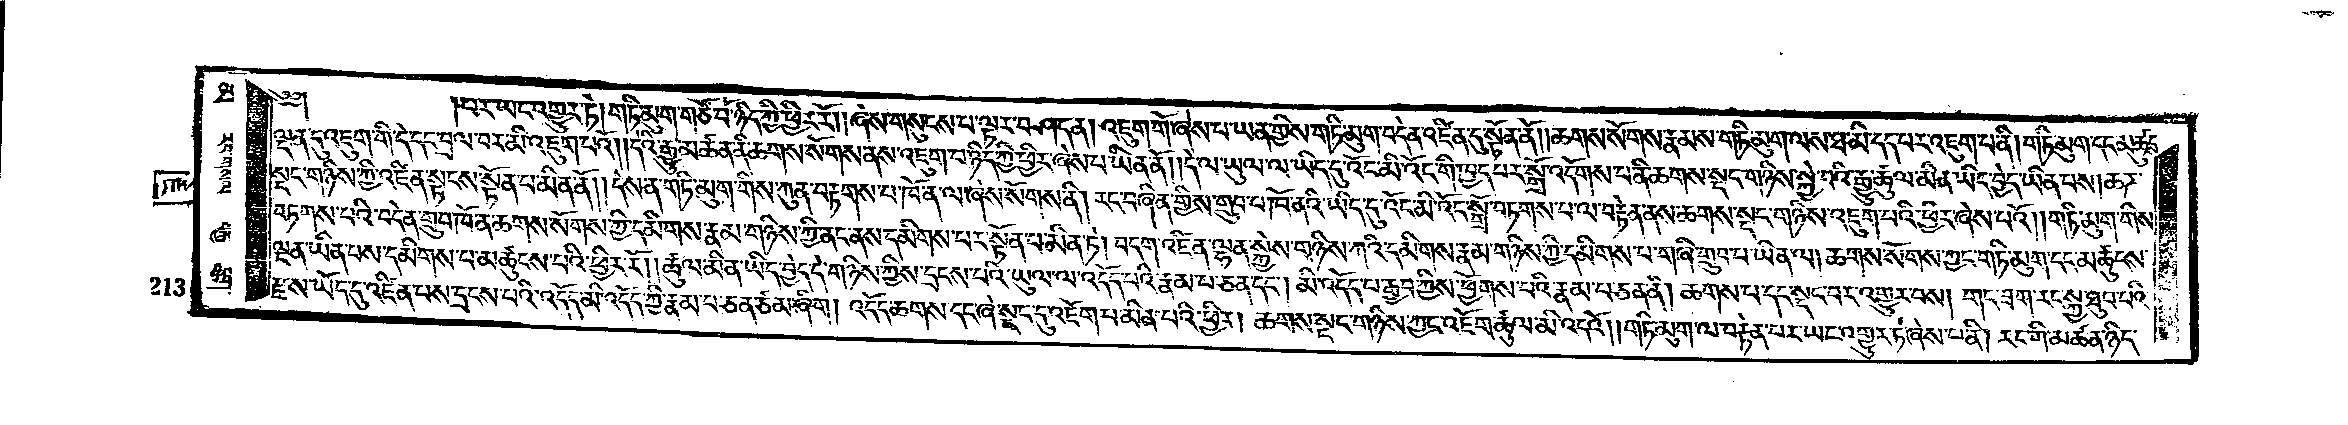༄༅། །པར་ཡང་འགྱུར་ཏེ། གཏི་མུག་གཙོ་བོ་ཉིད་ཀྱི་ཕྱིར་རོ། །ཞེས་གསུངས་པ་ལྟར་བཤད་ན། འཇུག་གོ་ཞེས་པ་ཡན་གྱིས་གཏི་མུག་བདེན་འཛིན་དུ་སྟོན་ནོ། །ཆགས་སོགས་རྣམས་གཏི་མུག་ལས་ཐ་མི་དད་པར་འཇུག་པ་ནི། གཏི་མུག་དང་མཚུངས་
ལྡན་དུ་འཇུག་གི་དེ་དང་བྲལ་བར་མི་འཇུག་པའོ། །དེའི་རྒྱུ་མཚན་ནི་ཆགས་སོགས་ནས་འཇུག་པ་ཉིད་ཀྱི་ཕྱིར་ཞེས་པ་ཡིན་ནོ། །དེ་ལ་ཡུལ་ལ་ཡིད་དུ་འོང་མི་འོང་གི་ཁྱད་པར་སྒྲོ་འདོགས་པ་ནི་ཆགས་སྡང་གཉིས་སྐྱེ་བའི་རྒྱུ་ཚུལ་མིན་ཡིད་བྱེད་ཡིན་པས། ཆགས་
སྡང་གཉིས་ཀྱི་འཛིན་སྟངས་སྟོན་པ་མིན་ནོ། །དེས་ན་གཏི་མུག་གིས་ཀུན་བརྟགས་པ་ཁོ་ན་ལ་ཞེས་སོགས་ནི། རང་བཞིན་གྱིས་གྲུབ་པ་ཁོ་ནའི་ཡིད་དུ་འོང་མི་འོང་སྒྲོ་བཏགས་པ་ལ་བརྟེན་ནས་ཆགས་སྡང་གཉིས་འཇུག་པའི་ཕྱིར་ཞེས་པའོ། །གཏི་མུག་གིས་
བཏགས་པའི་བདེན་གྲུབ་ཁོ་ན་ཆགས་སོགས་ཀྱི་དམིགས་རྣམ་གཉིས་ཀྱི་ནང་ནས་དམིགས་པར་སྟོན་པ་མིན་ཏེ། བདག་འཛིན་ལྷན་སྐྱེས་གཉིས་ཀའི་དམིགས་རྣམ་གཉིས་ཀྱི་དམིགས་པ་གཞི་གྲུབ་པ་ཡིན་ལ། ཆགས་སོགས་ཀྱང་གཏི་མུག་དང་མཚུངས་
ལྡན་ཡིན་པས་དམིགས་པ་མཚུངས་པའི་ཕྱིར་རོ། །ཚུལ་མིན་ཡིད་བྱེད་དེ་གཉིས་ཀྱིས་དྲངས་པའི་ཡུལ་ལ་འདོད་པའི་རྣམ་པ་ཅན་དང་། མི་འདོད་པ་རྒྱབ་ཀྱིས་ཕྱོགས་པའི་རྣམ་པ་ཅན་ནི། ཆགས་པ་དང་སྡང་བར་འགྱུར་བས། གང་ཟག་རང་སྐྱེ་ཐུབ་པའི་
རྫས་ཡོད་དུ་འཛིན་པས་དྲངས་པའི་འདོད་མི་འདོད་ཀྱི་རྣམ་པ་ཅན་ཙམ་ཞིག །འདོད་ཆགས་དང་ཞེ་སྡང་དུ་འཇོག་པ་མིན་པའི་ཕྱིར། ཆགས་སྡང་གཉིས་ཀྱང་འཇོག་ཚུལ་མི་འདྲའོ། །གཏི་མུག་ལ་བརྟེན་པར་ཡང་འགྱུར་ཏེ་ཞེས་པ་ནི། རང་གི་མཚན་ཉིད་